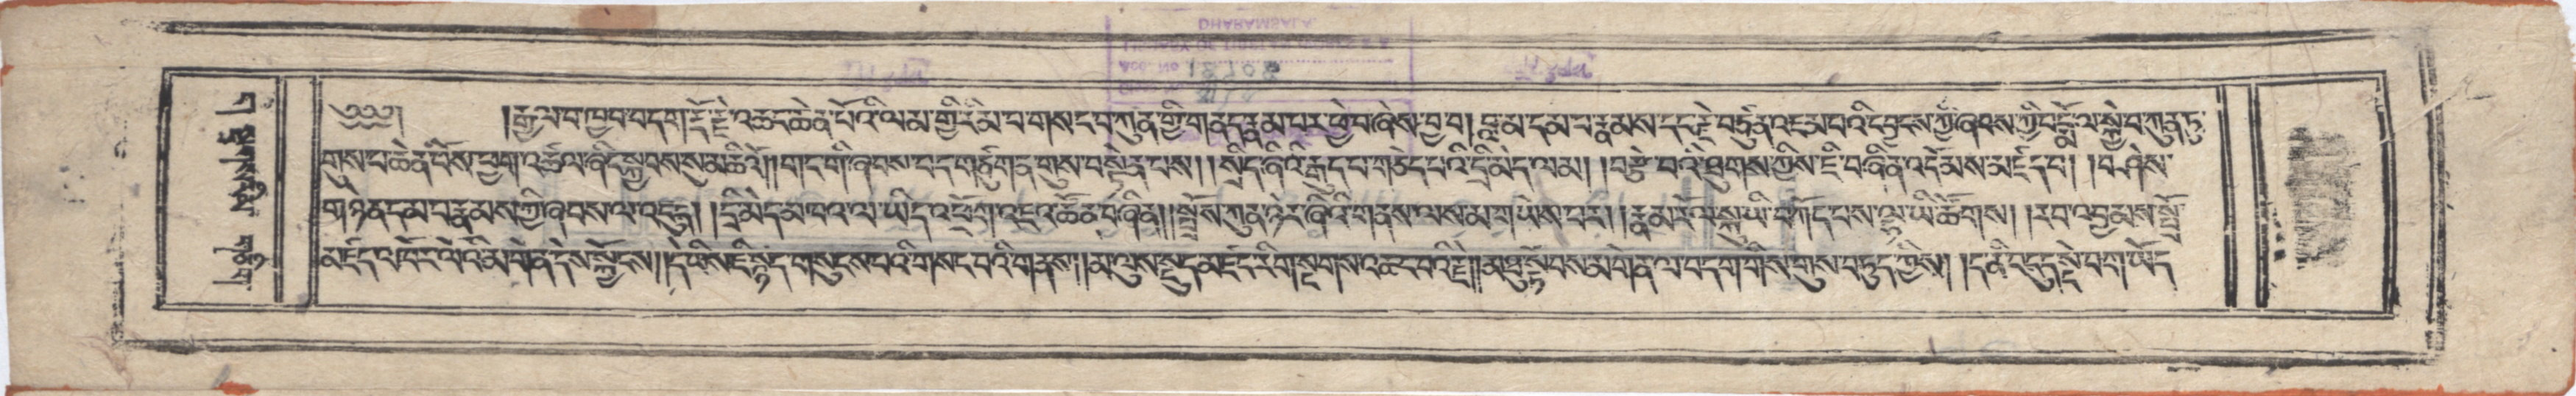༄༅༅། །རྒྱལ་བ་ཁྱབ་བདག་རྡོ་རྗེ་འཆང་ཆེན་པོའི་ལམ་གྱི་རིམ་པ་གསང་བ་ཀུན་གྱི་གནད་རྣམ་པར་ཕྱེ་བ་ཞེས་བྱ་བ། བླ་མ་དམ་པ་རྣམས་དང་རྗེ་བཙུན་འཇམ་པའི་དབྱངས་ཀྱི་ཞབས་ཀྱི་པདམོ་ལ་སྐྱེ་བ་ཀུན་ཏུ་
གུས་པ་ཆེན་པོས་ཕྱག་འཚལ་ཞིང་སྐྱབས་སུ་མཆིའོ། །གང་གི་ཞབས་པད་གཙུག་ན་གུས་བསྟེན་པས། །སྲིད་ཞིའི་རྒུད་པ་གཅོད་པའི་དྲི་མེད་ལམ། །བརྩེ་བའི་ཐུགས་ཀྱིས་ཇི་བཞིན་འདོམས་མཛད་པ། །བཤེས་
གཉེན་དམ་པ་རྣམས་ཀྱི་ཞབས་ལ་འདུད། །དྲི་མེད་མཁའ་ལ་ཡིད་འཕྲོག་འཇའ་ཚོན་བཞིན། །སྤྲོས་ཀུན་ཉེར་ཞིའི་གནས་ལས་མ་གཡོས་པར། །རྣམ་རོལ་སྐུ་ཡི་བཀོད་པས་ལྷ་ཡི་ཚོགས། །རབ་འབྱམས་སྤྲོ་
མཛད་འཁོར་ལོའི་མགོན་དེས་སྐྱོངས། །དེ་ཡིས་ཇི་སྙེད་གསུངས་པའི་གསང་བའི་གནས། །མ་ལུས་སྡུད་མཛད་རིག་སྔགས་འཆང་བའི་རྗེ། །མཐུ་སྟོབས་མགོན་ལ་བདག་གིས་གུས་བཏུད་ཀྱིས། །ད་ནི་བདུད་སྡེ་བག་ཡོད་